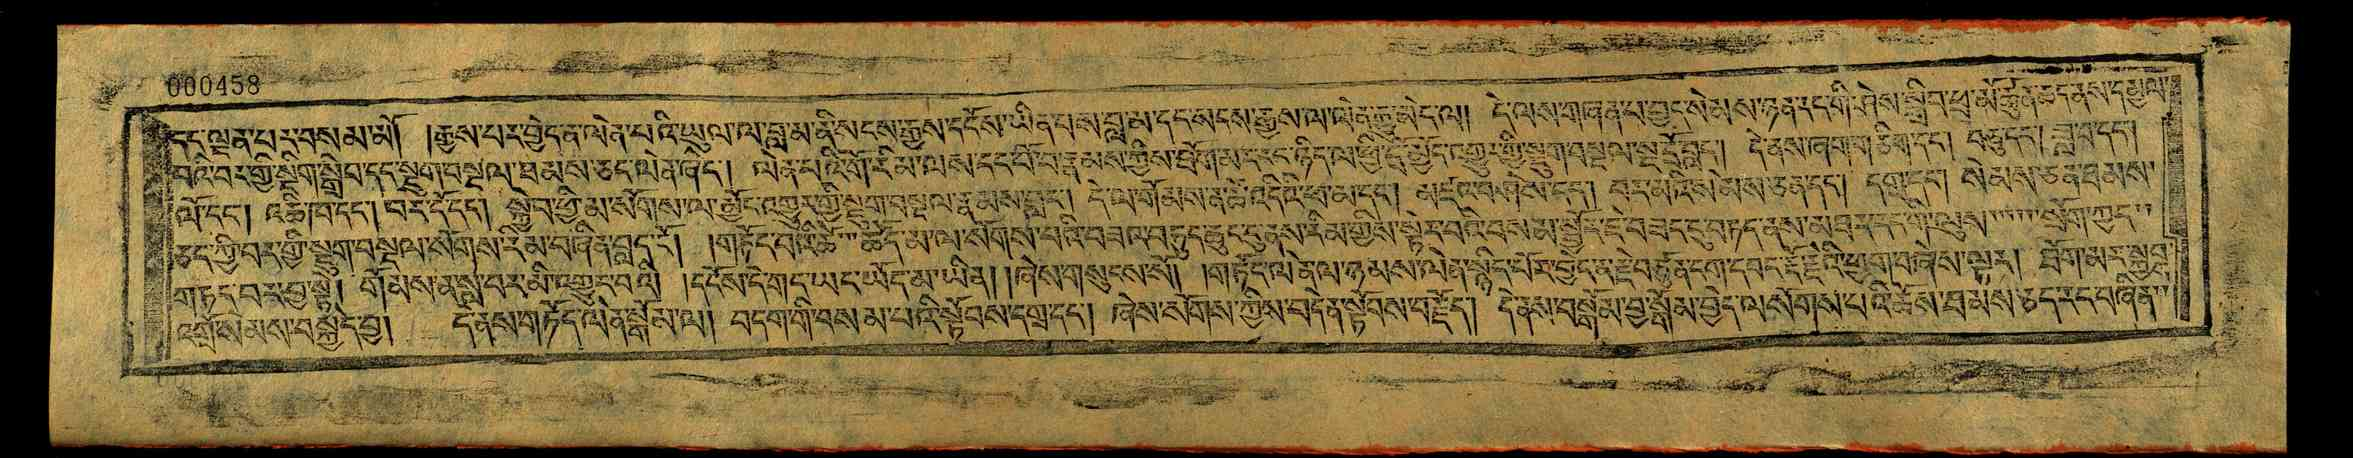དང་ལྡན་པར་བསམ་མོ། །རྒྱས་པར་བྱེད་ན་ལེན་པའི་ཡུལ་ལ་བླ་མ་ནི་སངས་རྒྱས་དངོས་ཡིན་པས་བླ་མ་དང་སངས་རྒྱས་ལ་ལེན་རྒྱུ་མེད་ལ། དེ་ལས་གཞན་པ་བྱང་སེམས་ཉན་རང་གི་ཤེས་སྒྲིབ་ཕྲ་མོ་ཚུན་ཆད་ནས་དམྱལ་
བའི་བར་གྱི་སྡིག་སྒྲིབ་དང་སྡུག་བསྔལ་ཐམས་ཅད་ལེན་ཞིང་། ལེན་པའི་གོ་རིམ་ལས་དང་པོ་བ་རྣམས་ཀྱིས་ཐོག་མར་རང་ཉིད་ལ་ཕྱི་དྲོ་མྱོང་འགྱུར་གྱི་སྡུག་བསྔལ་སྔ་དྲོ་བླང་། དེ་ནས་ཞག་གཅིག་དང་། བཅུ་དང་། ཟླ་བ་དང་།
ལོ་དང་། འཆི་ཁ་དང་། བར་དོ་དང་། སྐྱེ་བ་ཕྱི་མ་སོགས་ལ་མྱོང་འགྱུར་གྱི་སྡུག་བསྔལ་རྣམས་བླང་། དེ་ལ་གོམས་ན་ཚེ་འདིའི་ཕ་མ་དང་། མཛའ་བཤེས་དང་། བར་མའི་སེམས་ཅན་དང་། དགྲ་དང་། སེམས་ཅན་ཐམས་
ཅད་ཀྱི་བར་གྱི་སྡུག་བསྔལ་སོགས་རིམ་བཞིན་བླང་ངོ། །གཏོང་བའི་ཚེ་ཚོད་མ་ལ་སོགས་པའི་བཟའ་བཏུང་ཆུང་དུ་ནས་རིམ་གྱིས་སྟེར་བའི་བསམ་སྦྱོར་ཇི་བཟང་དུ་བཏང་ནས་མཐར་རང་གི་ལུས་སྲོག་ཀྱང་
གཏང་བར་བྱ་སྟེ། གོམས་ན་སླ་བར་མི་འགྱུར་བའི། །དངོས་དེ་གང་ཡང་ཡོད་མ་ཡིན། །ཞེས་གསུངས་སོ། །གཏོང་ལན་ལ་ཉམས་ལེན་སྙིང་པོར་བྱེད་ན་རྗེ་བཙུན་ངག་དབང་རྡོ་རྗེའི་ཕྱག་བཞེས་ལྟར། ཐོག་མར་སྐྱབས་
འགྲོ་སེམས་བསྐྱེད་བྱ། དེ་ནས་གཏོང་ལེན་སྒོམ་ལ། བདག་གི་བསམ་པའི་སྟོབས་དག་དང་། ཞེས་སོགས་ཀྱིས་བདེན་སྟོབས་བརྗོད། དེ་ནས་བསྒོམ་བྱ་སྒོམ་བྱེད་ལ་སོགས་པའི་ཆོས་ཐམས་ཅད་རང་བཞིན་